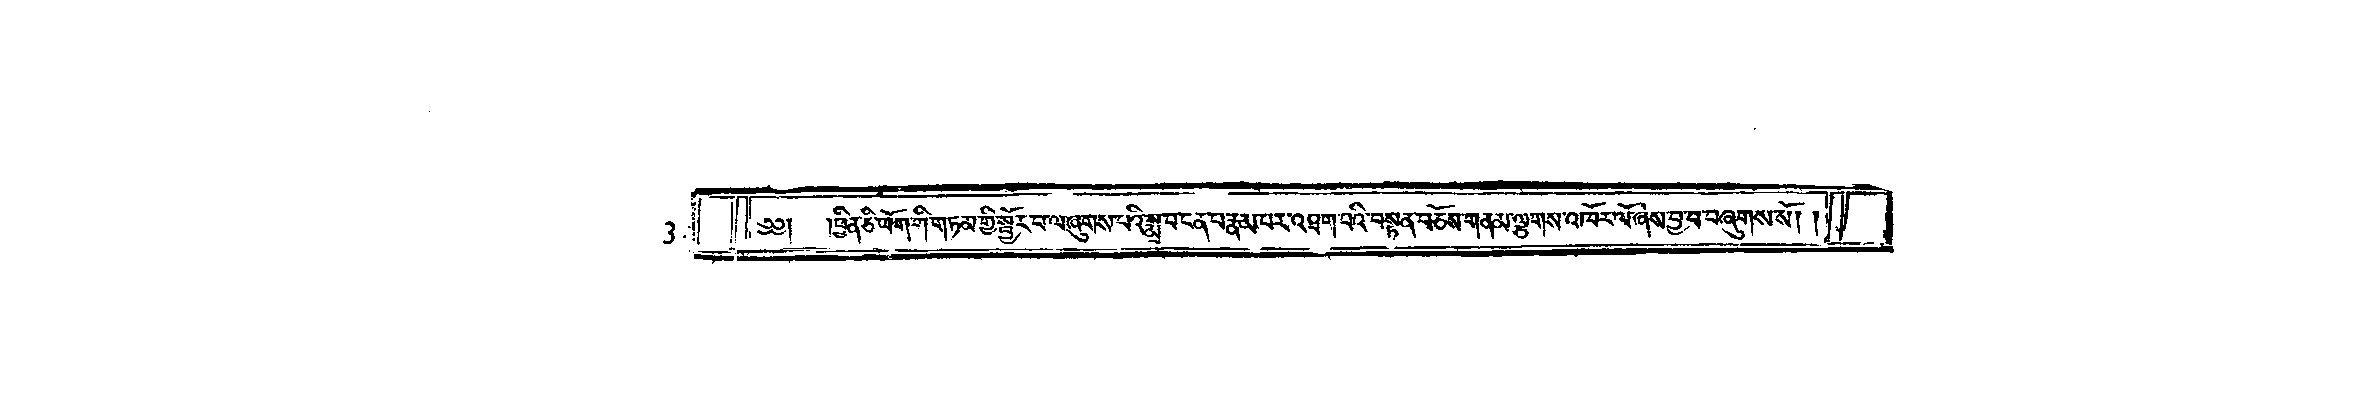༄༅། །ཕྱིན་ཅི་ལོག་གི་གཏམ་གྱི་སྦྱོར་བ་ལ་ཞུགས་པའི་སྨྲ་བ་ངན་པ་རྣམ་པར་འཐག་པའི་བསྟན་བཅོས་གནམ་ལྕགས་འཁོར་ལོ་ཞེས་བྱ་བ་བཞུགས་སོ། །